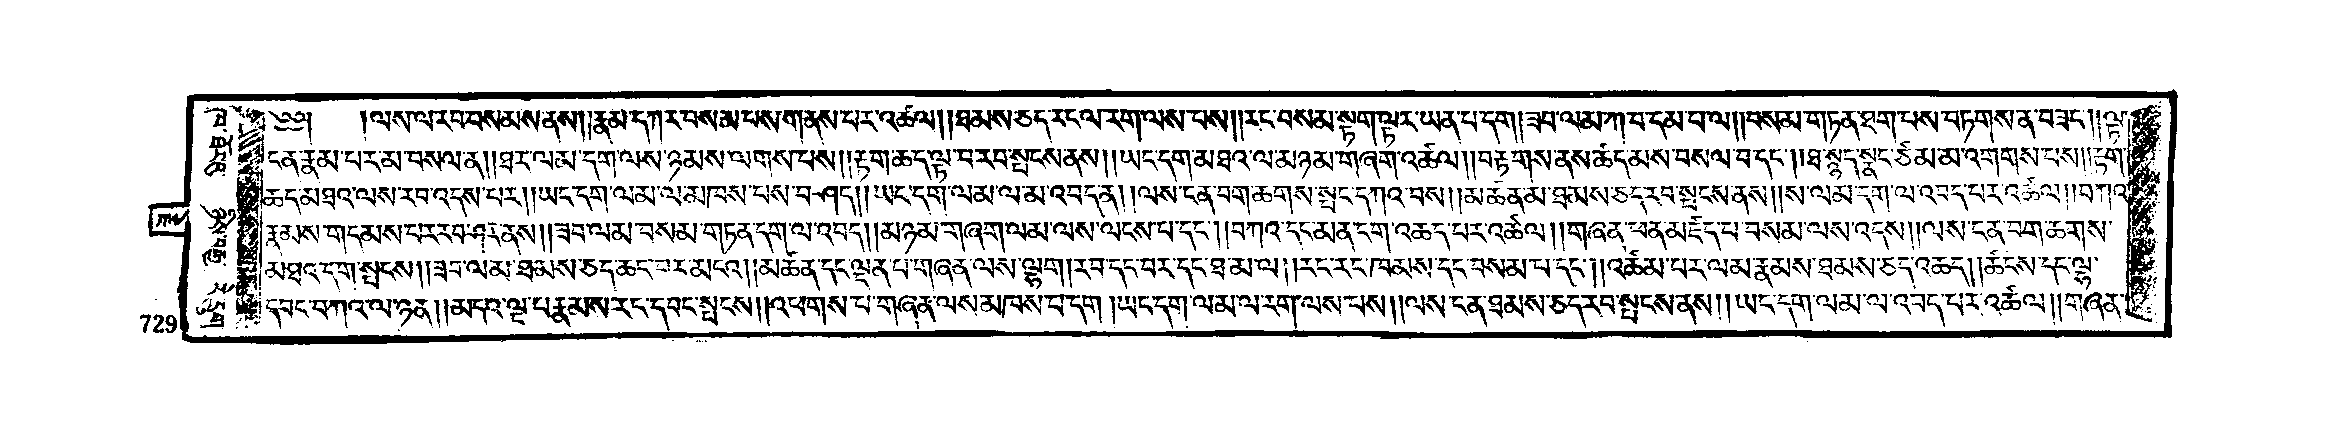༄༅། །ལས་ལ་རབ་བསམས་ནས། །རྣམ་དཀར་བསམ་པས་གནས་པར་འཚལ། །ཐམས་ཅད་རང་ལ་རག་ལས་པས། །རང་བསམ་སྟག་ལྟར་ཡན་པ་དག །ཟབ་ལམ་ཀ་བ་དམ་པ་ལ། །བསམ་གཏན་ཐག་པས་བཏགས་ན་བཟང་། །ལྟ་
ངན་རྣམ་པར་མ་བསལ་ན། །ཐར་ལམ་དག་ལས་ཉམས་ལགས་པས། །རྟག་ཆད་ལྟ་བ་རབ་སྤངས་ནས། །ཡང་དག་མཐའ་ལ་མཉམ་གཞག་འཚལ། །བརྟགས་ནས་ཚད་མས་བསལ་བ་དང་། །ཐ་སྙད་སྣང་ཙམ་མ་འགགས་པས། །རྟག་
ཆད་མཐའ་ལས་རབ་འདས་པར། །ཡང་དག་ལམ་ལ་མཁས་པས་བཤད། །ཡང་དག་ལམ་ལ་མ་འབད་ན། །ལས་ངན་བག་ཆགས་སྤང་དཀའ་བས། །མཚན་མ་ཐམས་ཅད་རབ་སྤངས་ནས། །ས་ལམ་དག་ལ་འབད་པར་འཚལ། །བཀའ་
རྣམས་གདམས་པར་རབ་ཤར་ནས། །ཟབ་ལམ་བསམ་གཏན་དག་ལ་འབད། །མཉམ་གཞག་ལམ་ལས་ལངས་པ་དང་། །བཀའ་དང་མན་ངག་འཆད་པར་འཚལ། །གཞན་ཕན་མཛད་པ་བསམ་ལས་འདས། །ལས་ངན་བག་ཆགས་
མཐའ་དག་སྤངས། །ཟབ་ལམ་ཐམས་ཅད་ཆང་བར་མངའ། །མཚན་དང་ལྡན་པ་གཞན་ལས་ལྷག །རབ་དང་བར་དང་ཐ་མ་ལ། །རང་རང་ཁམས་དང་བསམ་པ་དང་། །འཚམ་པར་ལམ་རྣམས་ཐམས་ཅད་འཆད། །ཚངས་དང་ལྷ་
དབང་བཀའ་ལ་ཉན། །མདའ་ལྔ་པ་རྣམས་རང་དབང་སྤངས། །འཕགས་པ་གཞན་ལས་མཁས་པ་དག །ཡང་དག་ལམ་ལ་རག་ལས་པས། །ལས་ངན་ཐམས་ཅད་རབ་སྤངས་ནས། །ཡང་དག་ལམ་ལ་འབད་པར་འཚལ། །གཞན་